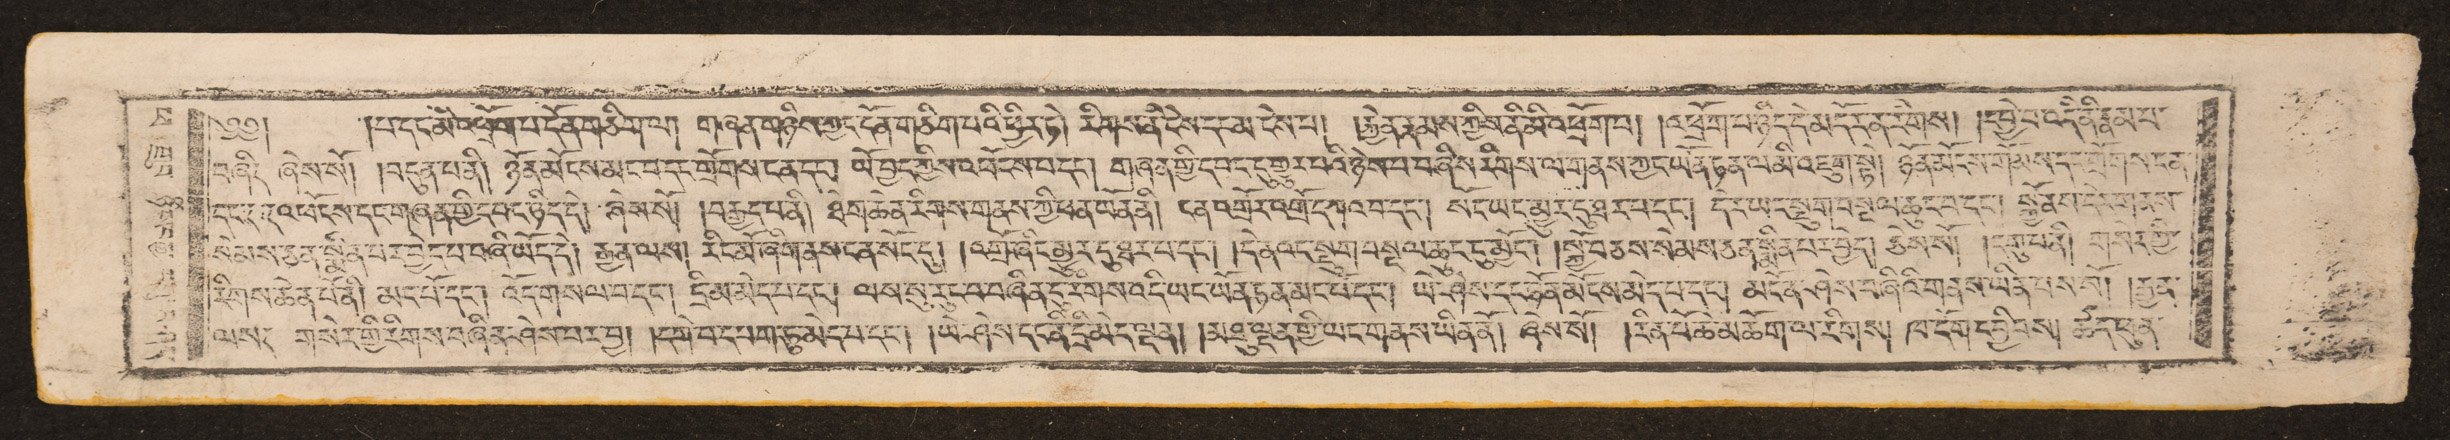༄༅། །པ་དང་མི་འཕྲོག་པ་དོན་གཅིག་ལ། གཞན་གཉིས་ཀྱང་དོན་གཅིག་པའི་ཕྱིར་ཏེ། རིགས་ནི་ངེས་དང་མ་ངེས་པ། །རྐྱེན་རྣམས་ཀྱིས་ནི་མི་འཕྲོག་པ། །འཕྲོག་པ་ཉིད་དེ་མདོར་ན་རིགས། །དབྱེ་བ་འདི་ནི་རྣམ་པ་
བཞི༑ ཞེས་སོ། །བདུན་པ་ནི། ཉོན་མོངས་མང་བ་དང་གྲོགས་ངན་དང་། ལོ་བྱང་ཀྱིས་འཕོངས་པ་དང་། གཞན་གྱི་དབང་དུ་གྱུར་བའི་ཉེས་པ་བཞིས་རིགས་ལ་གནས་ཀྱང་ཡོན་ཏན་ལ་མི་འཇུག་སྟེ། ཉོན་མོངས་གོམས་དང་གྲོགས་ངན་
དང༑ ༑འཕོངས་དང་གཞན་གྱི་དབང་ཉིད་དེ། ཞེས་སོ། །བརྒྱད་པ་ནི། ཐེག་ཆེན་རིགས་གནས་ཀྱི་ཕན་ཡོན་ནི། ངན་འགྲོར་འགྲོ་དཀའ་བ་དང་། སོང་ཡང་མྱུར་དུ་ཐར་བ་དང་། དེར་ཡང་སྡུག་བསྔལ་ཆུང་བ་དང་། སྐྱོ་ནས་དེར་གནས་
སེམས་ཅན་སྨིན་བར་བྱེད་བ་བཞི་ཡོད་དེ། རྒྱན་ལས། རིང་མོ་ཞིག་ནས་ངན་སོང་དུ། །འགྲོ་ཞིང་མྱུར་དུ་ཐར་བ་དང་། །དེ་ནའང་སྡུག་བསྔལ་ཆུང་དུ་མྱོང་། །སྐྱོ་བཅས་སེམས་ཅན་སྨིན་པར་བྱེད། ཅེས་སོ། །དགུ་པ་ནི། གསེར་གྱི་
རིགས་ཆེན་པོ་ནི། མང་པོ་དང་། འོད་གསལ་བ་དང་། དྲི་མ་མེད་པ་དང་། ལས་སུ་རུང་བ་བཞིན་དུ་རིགས་འདི་ཡང་ཡོན་ཏན་མང་པོ་དང་། ཡེ་ཤེས་དང་ཉོན་མོངས་མེད་པ་དང་། མངོན་ཤེས་བཞིའི་གནས་ཡིན་པས་སོ། རྒྱན་
ལས༑ གསེར་གྱི་རིགས་བཞིན་ཤེས་པར་བྱ། །དགེ་བ་དཔག་ཏུ་མེད་པ་དང་། །ཡེ་ཤེས་དང་ནི་དྲི་མེད་ལྡན། །མཐུ་ལྡན་གྱི་ཡང་གནས་ཡིན་ནོ། ཞེས་སོ། །རིན་པོ་ཆེ་མཆོག་ལ་རིགས། ཁ་དོག་དབྱིབས། ཚད་ཕུན་